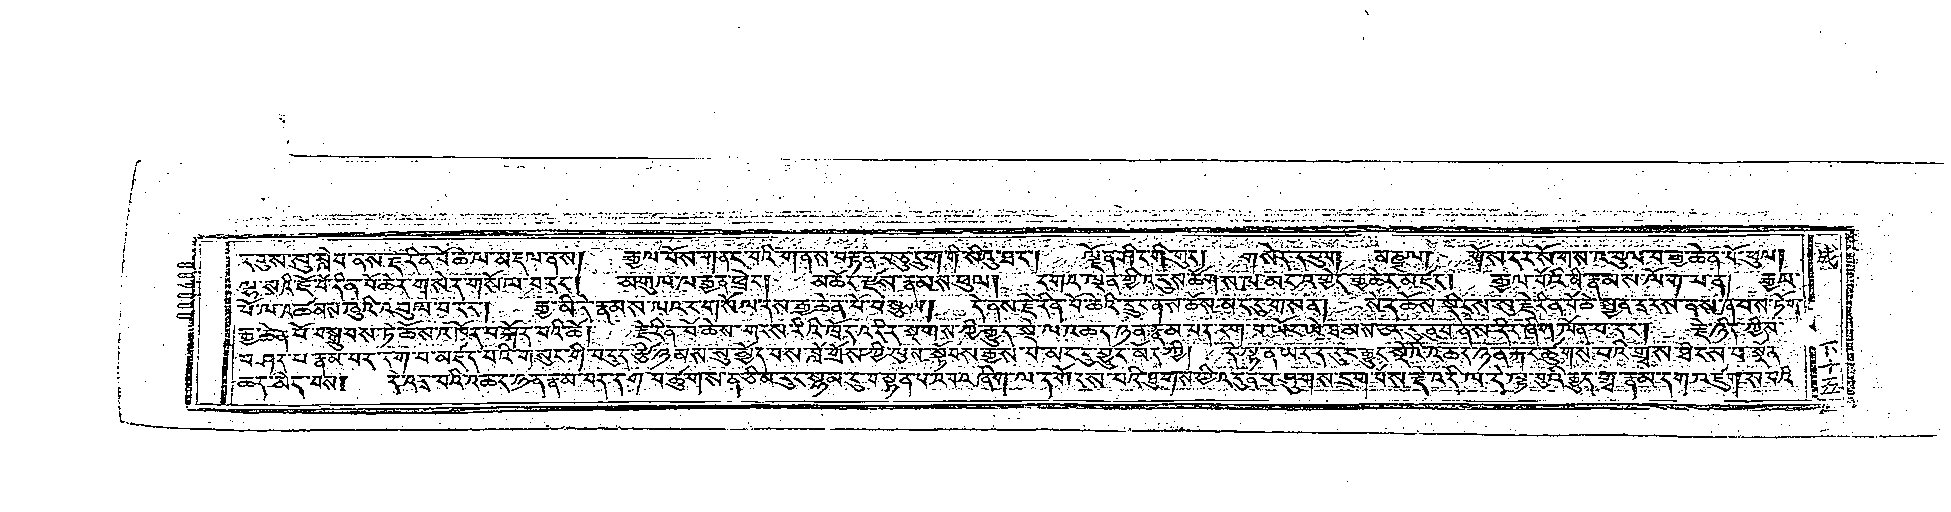དབུས་སུ་སླེབ་ནས་རྗེ་རིན་པོ་ཆེ་ལ་མཇལ་ནས། རྒྱལ་པོས་གནང་བའི་གནས་བརྟན་བཅུ་དྲུག་གི་སིའུ་ཐང་། ལྗོན་ཤིང་གི་གུང་། གསེར་དངུལ། མཎྜལ། གོས་དར་སོགས་འབུལ་བ་རྒྱ་ཆེན་པོ་ཕུལ།
ལྷ་སའི་ཇོ་བོ་རིན་པོ་ཆེར་གསེར་གསོལ་བ་དང་། མགུལ་ལ་རྒྱན་ཕྲེང་། མཆོད་རྫས་རྣམས་ཕུལ། དགའ་ལྡན་གྱི་འདུས་ཚོགས་ལ་མང་འགྱེད་རྒྱ་ཆེར་མཛད། རྒྱལ་པོའི་མི་རྣམས་ལོག་པ་ན། རྒྱལ་
པོ་ལ་འཚམས་ཞུའི་འབུལ་བ་དང་། རྒྱ་མི་དེ་རྣམས་ལའང་གསོལ་རས་རྒྱ་ཆེན་པོ་བསྩལ། དེ་ནས་རྗེ་རིན་པོ་ཆེའི་དྲུང་ནས་ཆོས་མང་དུ་གསན། སེ་ར་ཆོས་སྡིངས་སུ་རྗེ་རིན་པོ་ཆེ་སྤྱན་དྲངས་ནས་ཞབས་ཏོག་
རྒྱ་ཆེན་པོ་བསྒྲུབས་ཏེ་ཆོས་འཁོར་བསྐོར་བའི་ཚེ། རྗེ་རིན་པོ་ཆེས་གངས་རིའི་ཁྲོད་འདིར་སྔགས་ཀྱི་རྒྱུད་སྡེ་ལ་འཆད་ཉན་རྣམ་པར་དག་པ་ཡོང་ཡེ་ཐམས་ཅད་དུ་ནུབ་ནས་རིང་ཞིག་ལོན་པ་དང་། རྗེ་ཉིད་ཀྱིས་
བཤད་པ་རྣམ་པར་དག་པ་མཛད་པའི་གསུང་གི་བདུད་རྩི་ཉམས་སུ་མྱོང་བས་བློ་གྲོས་ཀྱི་ལུས་སྟོབས་རྒྱས་པ་མང་དུ་བྱུང་མོད་ཀྱི། དེ་ལྟ་ན་ཡང་ད་དུང་རྒྱུད་སྡེའི་འཆད་ཉན་རྐང་ཚུགས་པའི་གྲྭ་ས་ཐིངས་པ་སྔོན་
ཆད་མེད་པས། དེ་འདྲ་བའི་འཆད་ཉན་རྣམ་པར་དག་པ་ཚུགས་ན་ཅི་མ་རུང་སྙམ་དུ་བསྟན་པ་འབའ་ཞིག་ལ་དགོངས་པའི་ཐུགས་ཀྱི་འདུན་པ་ཤུགས་དྲག་པོས་རྗེ་འདི་ལ་དེ་ལྟ་བུའི་རྒྱུད་གྲྭ་རྣམ་དག་འཛུགས་པའི་